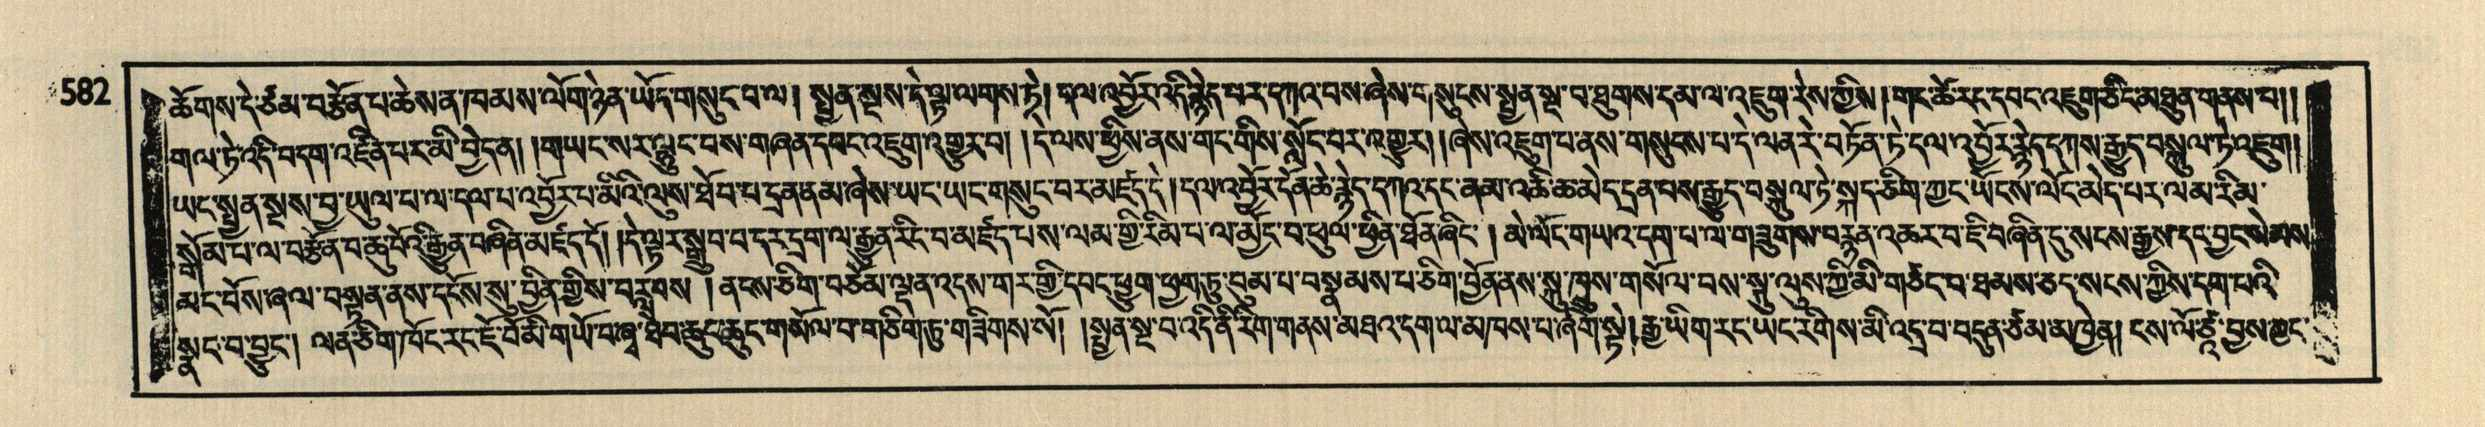ཆོགས་དེ་ཙམ་བརྩོན་པ་ཆེས་ན་ཁམས་ལོག་ཉེན་ཡོད་གསུང་བ་ལ། སྤྱན་སྔས་དེ་ལྟ་ལགས་ཏེ། དལ་འབྱོར་འདི་རྙེད་པར་དཀའ་བས་ཞེས་གསུངས་སྤྱན་སྔ་བ་ཐུགས་དམ་ལ་འཇུག་རེས་ཀྱིས། གང་ཚེ་རང་དབང་འཇུག་ཅིང་མཐུན་གནས་བ། །
གལ་ཏེ་འདི་བདག་འཛིན་པར་མི་བྱེད་ན། །གཡང་སར་ལྷུང་བས་གཞན་དབང་འཇུག་འགྱུར་བ། །དེ་ལས་ཕྱིས་ནས་གང་གིས་སློང་བར་འགྱུར། །ཞེས་འཇུག་པ་ནས་གསུངས་པ་དེ་ལན་རེ་བཏོན་ཏེ་དལ་འབྱོར་རྙེད་དཀས་རྒྱུད་བསྐུལ་ཏེ་འཇུག།
ཡང་སྤྱན་སྔས་བྱ་ཡུལ་པ་ལ་དལ་པ་འབྱོར་པ་མིའི་ལུས་ཐོབ་པ་དྲན་ནམ་ཞེས་ཡང་ཡང་གསུང་བར་མཛད་དེ། དལ་འབྱོར་དོན་ཆེ་རྙེད་དཀའ་དང་ནམ་འཆི་ཆ་མེད་དྲན་བས་རྒྱུད་བསྐུལ་ཏེ་སྐད་ཅིག་ཀྱང་ཡོངས་ལོང་མེད་པར་ལམ་རིམ་
སྒོམ་པ་ལ་བརྩོན་བ་ཆུ་བོའི་རྒྱུན་བཞིན་མཛད་དོ། །དེ་ལྟར་སྒྲུབ་བ་དར་དྲག་ལ་རྒྱུན་རིང་བ་མཛད་པས་ལམ་གྱི་རིམ་པ་ལ་མྱོང་བ་ཕུལ་ཕྱིན་ཐོན་ཞིང་། མེ་ལོང་གཡའ་དག་པ་ལ་གཟུགས་བརྙན་འཆར་བ་ཇི་བཞིན་དུ་སངས་རྒྱས་དང་བྱང་སེམས་
མང་པོས་ཞལ་བསྟན་ནས་དངོས་སུ་བྱིན་གྱིས་བརླབས། ནངས་ཅིག་བཅོམ་ལྡན་འདས་གར་གྱི་དབང་ཕྱུག་ཕྱག་ཏུ་བུམ་པ་བསྣམས་པ་ཅིག་བྱོན་ནས་སྐུ་ཁྲུས་གསོལ་བས་སྐུ་ལུས་ཀྱི་མི་གཙང་བ་ཐམས་ཅད་སངས་ཀྱིས་དག་པའི་
སྣང་བ་བྱུང་། ལན་ཅིག་ཁོང་རང་ཇོ་བོ་མི་གཡོ་བ་ཞྭ་ཐབ་ཆུང་ཆུང་གསོལ་བ་གཅིག་ཏུ་གཟིགས་སོ། །སྤྱན་སྔ་བ་འདི་ནི་རིག་གནས་མཐའ་དག་ལ་མཁས་པ་ཞིག་སྟེ། རྒྱ་ཡིག་རང་ཡང་རིགས་མི་འདྲ་བ་བདུན་ཙམ་མཁྱེན། ངས་ལོ་ཙཱ་བྱས་ཀྱང་